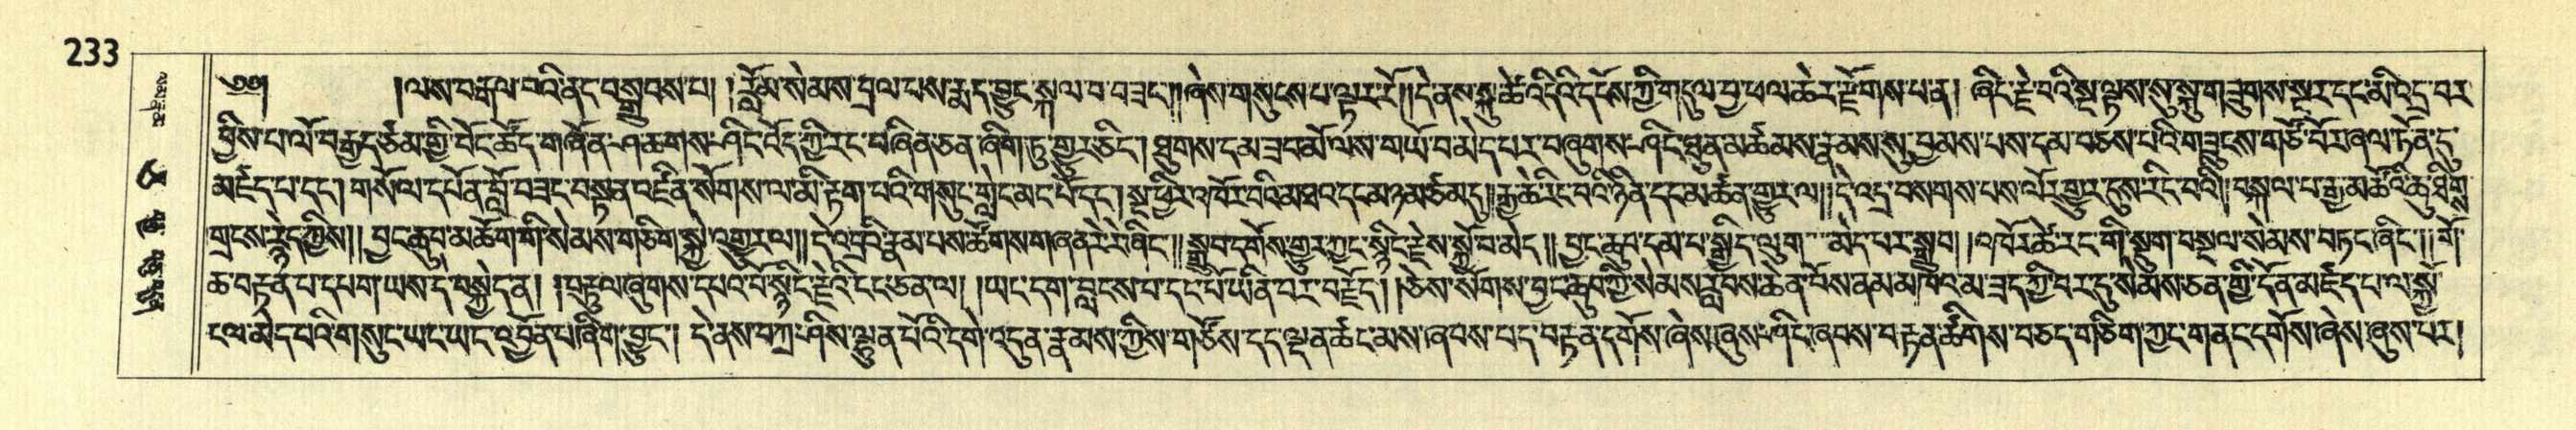༄༅། །ལས་བརྒལ་བའི་ནང་བསྒྲུབས་པ། །རློམ་སེམས་བྲལ་པས་རྨད་བྱུང་སྐལ་བ་བཟང་། །ཞེས་གསུངས་པ་ལྟར་རོ། །དེ་ནས་སྐུ་ཚེ་འདིའི་དངོས་ཀྱི་གདུལ་བྱ་ཕལ་ཆེར་རྫོགས་པ་ན། ཞིང་རྗེ་བའི་སྔ་ལྟས་སུ་སྐུ་གཟུགས་སྔར་དང་མི་འདྲ་བར་
ཕྱིས་པ་ལོ་བརྒྱད་ཙམ་གྱི་བོང་ཚོད་གཞོན་ཤ་ཆགས་ཤིང་འོད་ཀྱི་རང་བཞིན་ཅན་ཞིག་ཏུ་གྱུར་ཅིང་། ཐུགས་དམ་ཟབ་མོ་ལས་གཡོ་བ་མེད་པར་བཞུགས་ཤིང་ཐུན་མཚམས་རྣམས་སུ་བྱམས་པས་དམ་བཅས་པའི་གཟུངས་གཙོ་བོར་ཞལ་ཏོན་དུ་
མཛད་པ་དང་། གསོལ་དཔོན་བློ་བཟང་བསྟན་འཛིན་སོགས་ལ་མི་རྟག་པའི་གསུང་གླེང་མང་པོ་དང་། སྔ་ཕྱིར་འཁོར་བའི་མཐའ་དང་མཉམ་ཙམ་དུ། །རྒྱ་ཆེ་རིང་བའི་ཉིན་དང་མཚན་གྱུར་ལ། །དེ་འདྲ་བསགས་པས་ལོར་གྱུར་དུས་རིང་བའི། །བསྐལ་པ་རྒྱ་མཚོའི་ཆུ་ཐིགས་
གྲངས་རྙེད་ཀྱིས། །བྱང་ཆུབ་མཆོག་གི་སེམས་གཅིག་སྐྱེ་འགྱུར་ལ། །དེ་འདྲའི་རྣམ་པས་ཚོགས་གཞན་རེ་རེ་ཞིང་། །སྒྲུབ་དགོས་གྱུར་ཀྱང་སྙིང་རྗེས་སྐྱོ་བ་མེད། །བྱང་ཆུབ་དམ་པ་སྒྱིད་ལུག་མེད་པར་སྒྲུབ། །འཁོར་ཚེ་རང་གི་སྡུག་བསྔལ་སེམས་བཏང་ཞིང་། །གོ་
ཆ་བརྟན་པ་དཔག་ཡས་དེ་བསྐྱེད་ན། །བརྟུལ་ཞུགས་དཔའ་བོ་སྙིང་རྗེའི་ངང་ཅན་ལ། །ཡང་དག་བླངས་པ་དང་པོ་ཡིན་པར་བརྗོད། །ཅེས་སོགས་བྱང་ཆུབ་ཀྱི་སེམས་རླབས་ཆེན་པོས་ནམ་མཁའ་མ་ཟད་ཀྱི་བར་དུ་སེམས་ཅན་གྱི་དོན་མཛད་པ་ལས་སྐྱོ་
ངལ་མེད་པའི་གསུང་ཡང་ཡང་འབྱོན་པ་ཞིག་བྱུང་། དེ་ནས་བཀྲ་ཤིས་ལྷུན་པོའི་དགེ་འདུན་རྣམས་ཀྱིས་གཙོས་དད་ལྡན་ཚང་མས་ཞབས་པད་བརྟན་དགོས་ཞེས་ཞུས་ཤིང་ཞབས་བརྟན་ཚིགས་བཅད་གཅིག་ཀྱང་གནང་དགོས་ཞེས་ཞུས་པར།